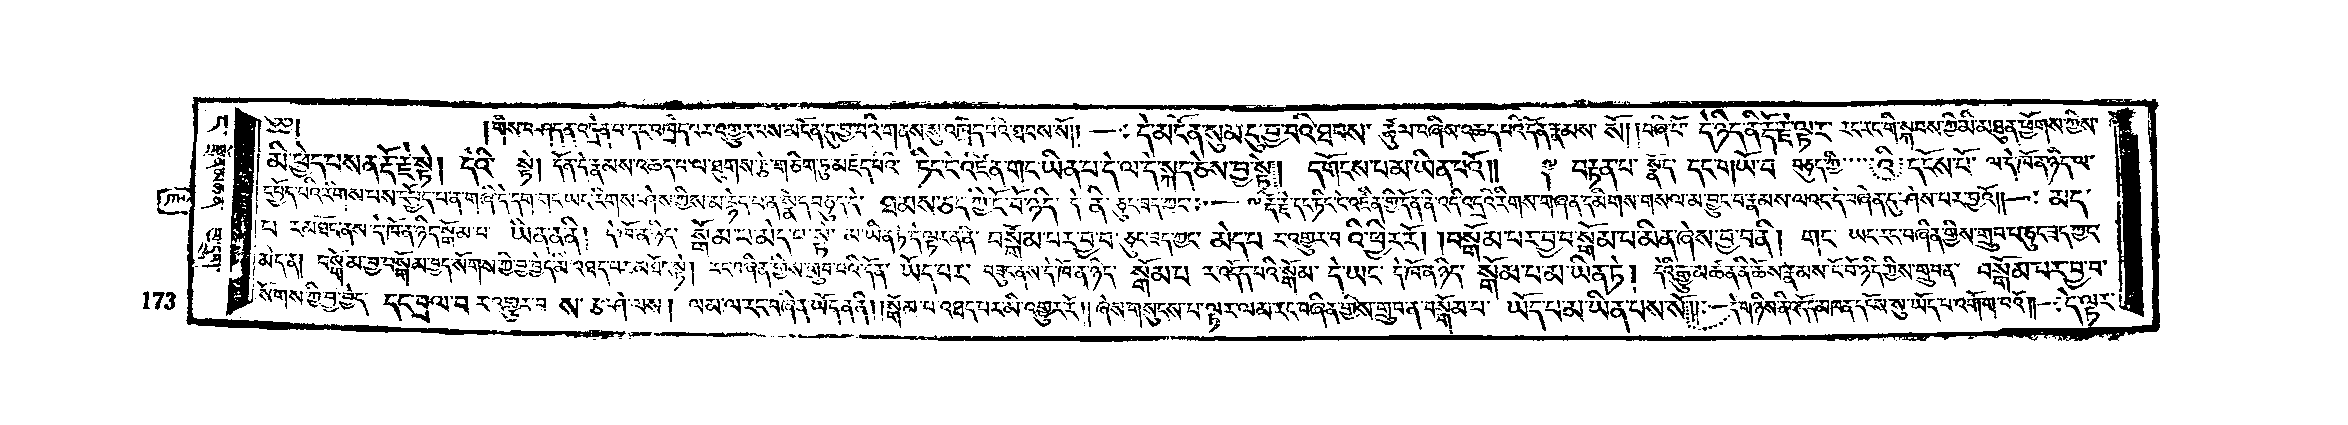༄༅། ། གིས་བཤད་ན་འདྲེན་པ་དང་འཁྲེད་པར་འགྱུར་པས་མངོན་དུ་བྱ་བའི་གནས་སུ་འཁྲིད་པའི་ཐབས་སོ།།  .Hདེ་མངོན་སུམ་དུ་བྱ་བའི་ཐབས་ཚུལ་བཞིས་འཆད་པའི་དོན་རྣམས་སོ། ། བཞི་པོ་དེ་ཉིད་ནི་རྡོ་རྗེ་ལྟར་རང་རང་གི་སྐབས་ཀྱི་མི་མཐུན་ཕྱོགས་ཀྱིས
མི་ཕྱེད་པས་ན་རྡོ་རྗེ་སྟེ། དེའི་སྟེ། དོན་དེ་རྣམས་འཆད་པ་ལ་ཐུགས་རྩེ་གཅིག་ཏུ་མཛད་པའི་ཏིང་ངེ་འཛིན་གང་ཡིན་པ་དེ་ལ་དེ་སྐད་ཅེས་བྱ་སྟེ། དགོངས་པ་མ་ཡིན་པའོ།། ༈ བརྟན་པ་སྣོད་དང་གཡོ་བ་བཅུད་ཀྱི་འི་དངོས་པོ་ལ་དེ་ཁོ་ན་ཉིད་ལ་
དཔྱོད་པའི་རིགས་པས་དཔྱོད་པ་ན་གཞི་དེ་དག་གང་ཡང་རིགས་ཤེས་ཀྱིས་མ་རྙེད་པ་ན་སྣོད་བཅུད་དེ་ཐམས་ཅད་ཀྱི་ངོ་བོ་ཉིད་དེ་ནི་ཅུང་ཟད་ཀྱངཿ་༧རྡོ་རྗེ་དང་ཏིང་ངེ་འཛིན་གྱི་དོན་ནི་འདི་འདྲའི་རིགས་གཞན་དམིགས་གསལ་མ་བྱུང་བ་རྣམས་ལའང་དེ་བཞིན་དུ་ཤེས་པར་བྱའོ།།  .Hམེད་
པར་མཐོང་ནས་དེ་ཁོ་ན་ཉིད་སྒོམ་པ་ཡིན་ན་ནི། དེ་ཁོ་ན་ཉིད་སྒོམ་པ་མེད་པ་སྟེ་མ་ཡིན་ཏེ་དེ་ལྟར་ན་ནི་བསྒོམ་པར་བྱ་བ་ཅུང་ཟད་ཀྱང་མེད་པར་འགྱུར་བའི་ཕྱིར་རོ། །བསྒོམ་པར་བྱ་བ་སྒོམ་པ་མིན་ཞེས་བྱ་བ་ནི། གང་ཡང་རང་བཞིན་གྱིས་གྲུབ་པ་ཅུང་ཟད་ཀྱང་
མེད་ན། བསྒོམ་བྱ་བསྒོམ་བྱེད་སོགས་ཀྱི་བྱ་བྱེད་མི་འཐད་པར་མཐོང་སྟེ། རང་བཞིན་གྱིས་གྲུབ་པའི་དོན་ཡོད་པར་བཟུང་ནས་དེ་ཁོ་ན་ཉིད་སྒོམ་པར་འདོད་པའི་སྒོམ་དེ་ཡང་དེ་ཁོ་ན་ཉིད་སྒོམ་པ་མ་ཡིན་ཏེ། དེའི་རྒྱུ་མཚན་ནི་ཆོས་རྣམས་ངོ་བོ་ཉིད་ཀྱིས་གྲུབ་ན་བསྒོམ་པར་བྱ་བ་
སོགས་ཀྱི་བྱ་བྱེད་དང་བྲལ་བར་འགྱུར་བས་རྩ་ཤེ་ལས། ལམ་ལ་རང་བཞིན་ཡོད་ན་ནི། །སྒོམ་པ་འཐད་པར་མི་འགྱུར་རོ། །ཞེས་གསུངས་པ་ལྟར་ལམ་རང་བཞིན་གྱིས་གྲུབ་ན་བསྒོམ་པ་ཡོད་པ་མ་ཡིན་པས་སོ།།H.་དེ་གཉིས་ནི་འདོད་མཁན་དངོས་སུ་ཡོད་པ་འགོག་པའོ།།  .Hདེ་ལྟར་